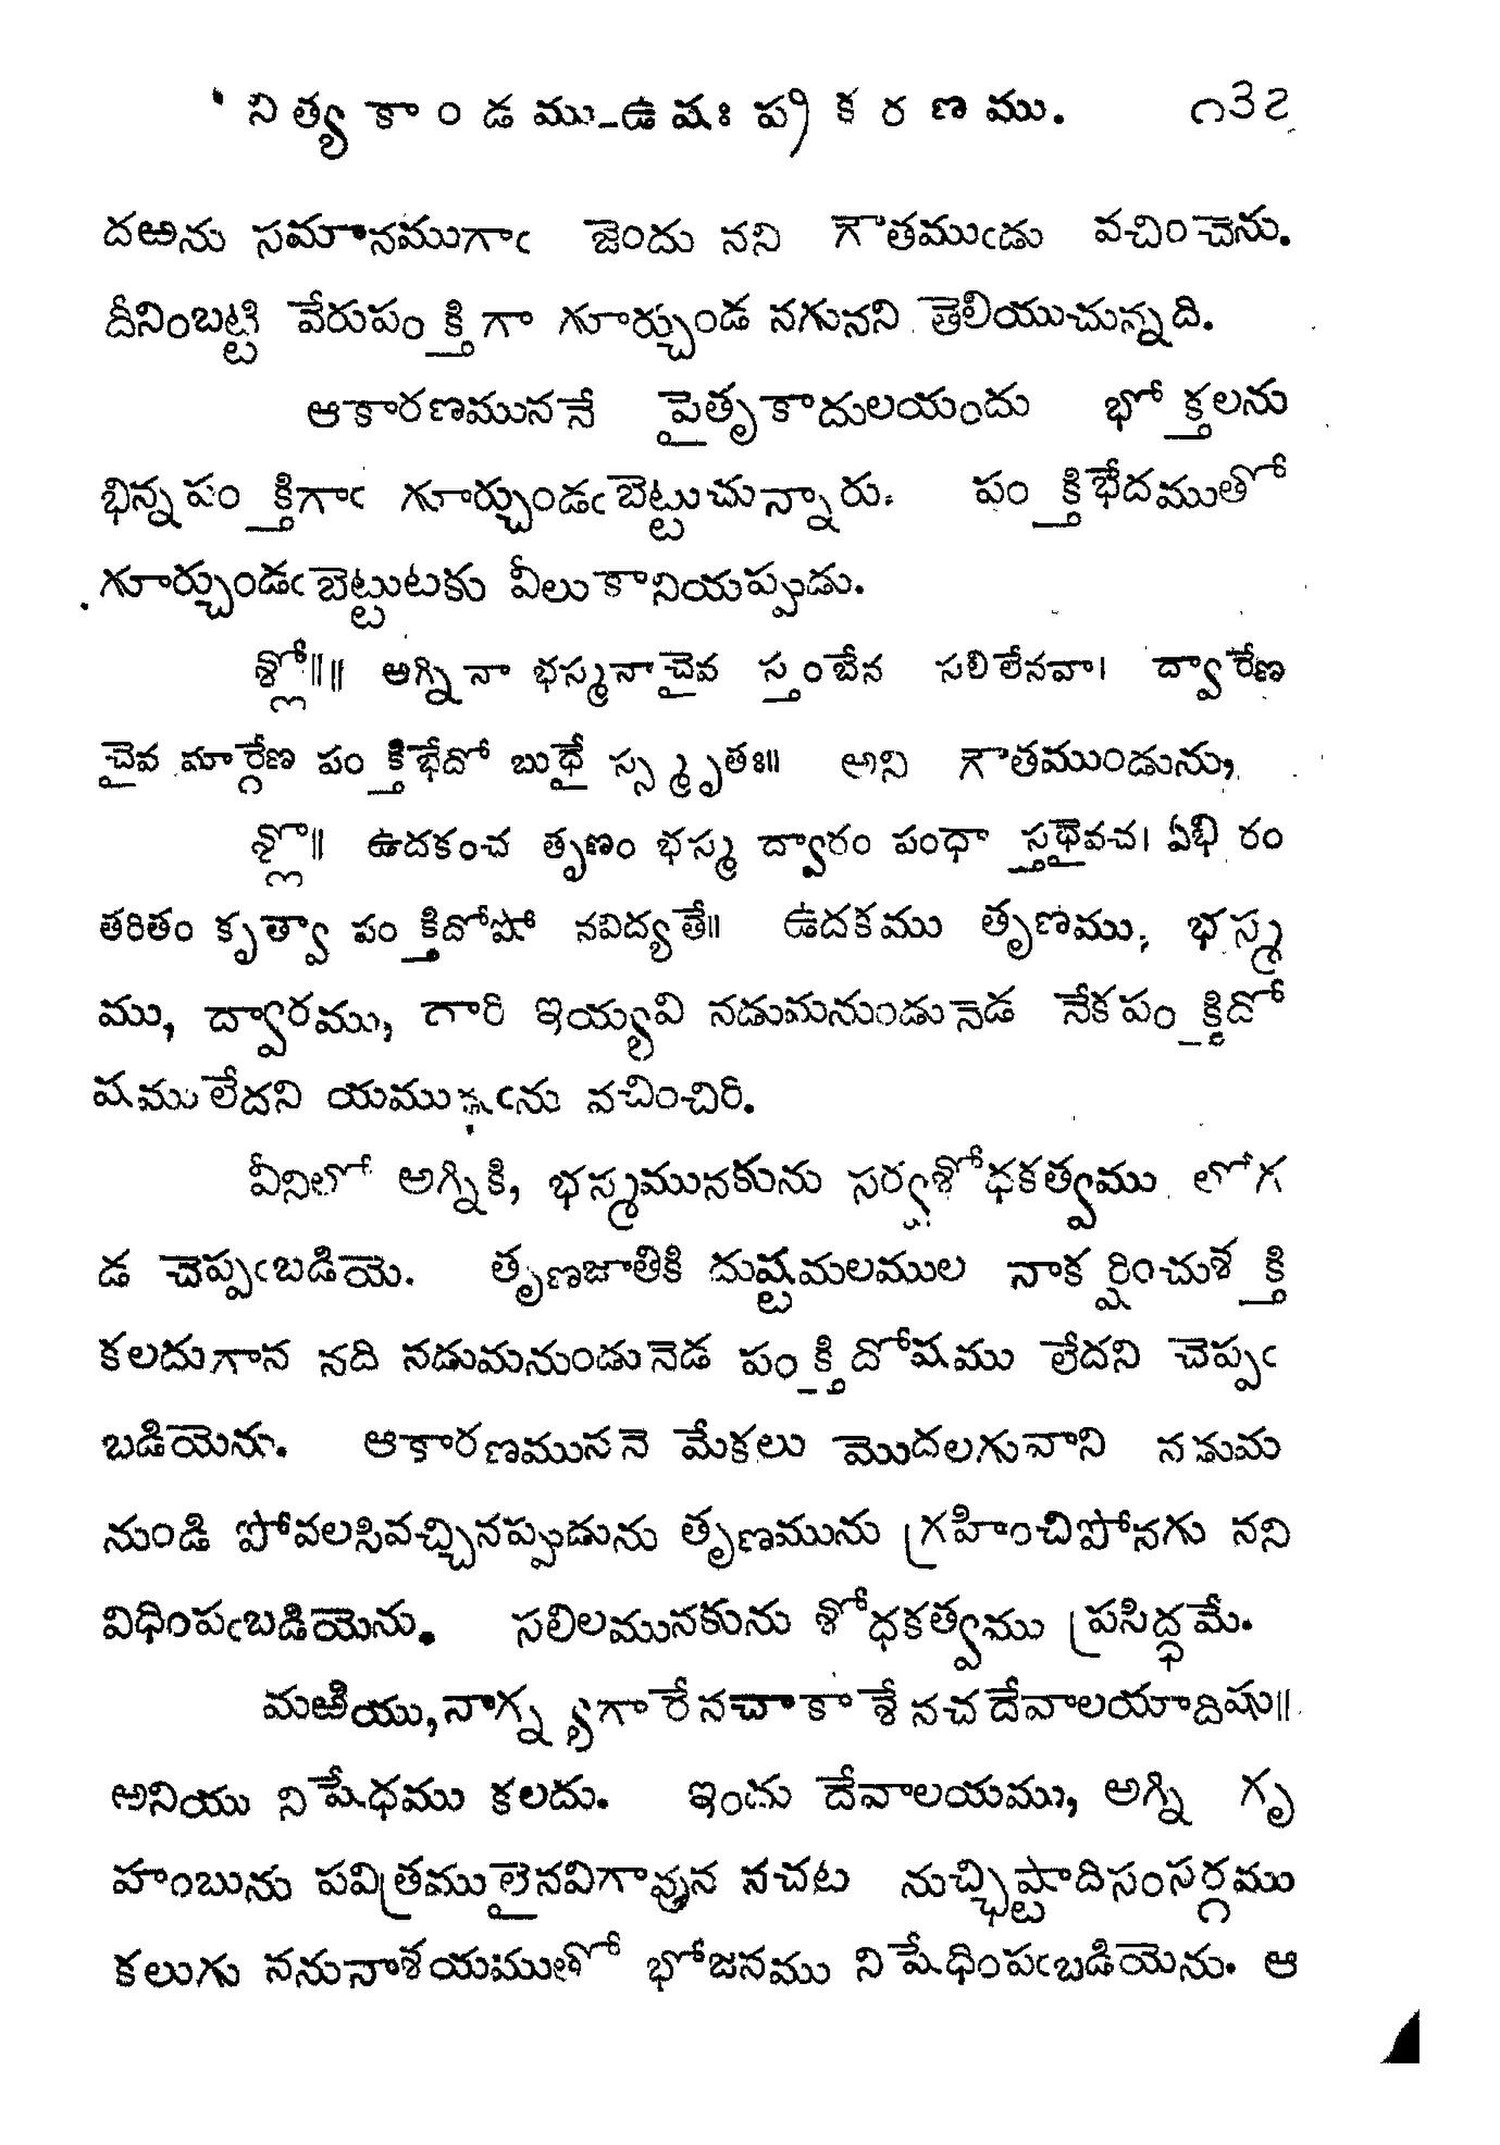దఱను సమానముగాఁ జెందు నని గౌతముఁడు వచించెను. దీనింబట్టి వేరుపంక్తిగా గూర్చుండ నగునని తెలియుచున్నది.

ఆకారణముననే పైతృకాదులయందు భోక్తలను భిన్నపంక్తిగాఁ గూర్చుండఁబెట్టుచున్నారు. పంక్తిభేదముతో
గూర్చుండఁబెట్టుటకు వీలుకానియప్పుడు.

శ్లో॥ అగ్నినా భస్మనాచైవ స్తంబేన సలిలేనవా। ద్వారేణ చైవ మార్గేణ పంక్తిభేదో బుథై స్స్మృతః॥ అని గౌతముండును,

శ్లో॥ ఉదకంచ తృణం భస్మ ద్వారం పంధా స్తదైవచ। ఏభి రంతరితం కృత్వా పంక్తిదోషో నవిద్యతే॥ ఉదకము తృణము, భస్మము, ద్వారము, దారి ఇయ్యవి నడుమనుండునెడ నేకపంక్తిదోషములేదని యము డును వచించిరి.

వీనిలో అగ్నికి, భస్మమునకును సర్వశోధకత్వము లోగడ చెప్పఁబడియె. తృణజాతికి దుష్టమలముల నాకర్షించుశక్తి కలదుగాన నది నడుమనుండునెడ పంక్తిదోషము లేదని చెప్పఁబడియెను. ఆకారణముననె మేకలు మొదలగువాని నడుమ నుండి పోవలసివచ్చినప్పుడును తృణమును గ్రహించిపోనగు నని
విధింపఁబడియెను. సలిలమునకును శోధకత్వము ప్రసిద్ధమే.

మఱియు, నాగ్న్యగారేనచాకాశేనచదేవాలయాదిషు॥ అనియు నిషేధము కలదు. ఇందు దేవాలయము, అగ్ని గృహంబును పవిత్రములైనవిగావున నచట నుచ్చిష్టాదిసంసర్గము కలుగు ననునాశయముతో భోజనము నిషేధింపఁబడియెను. ఆ